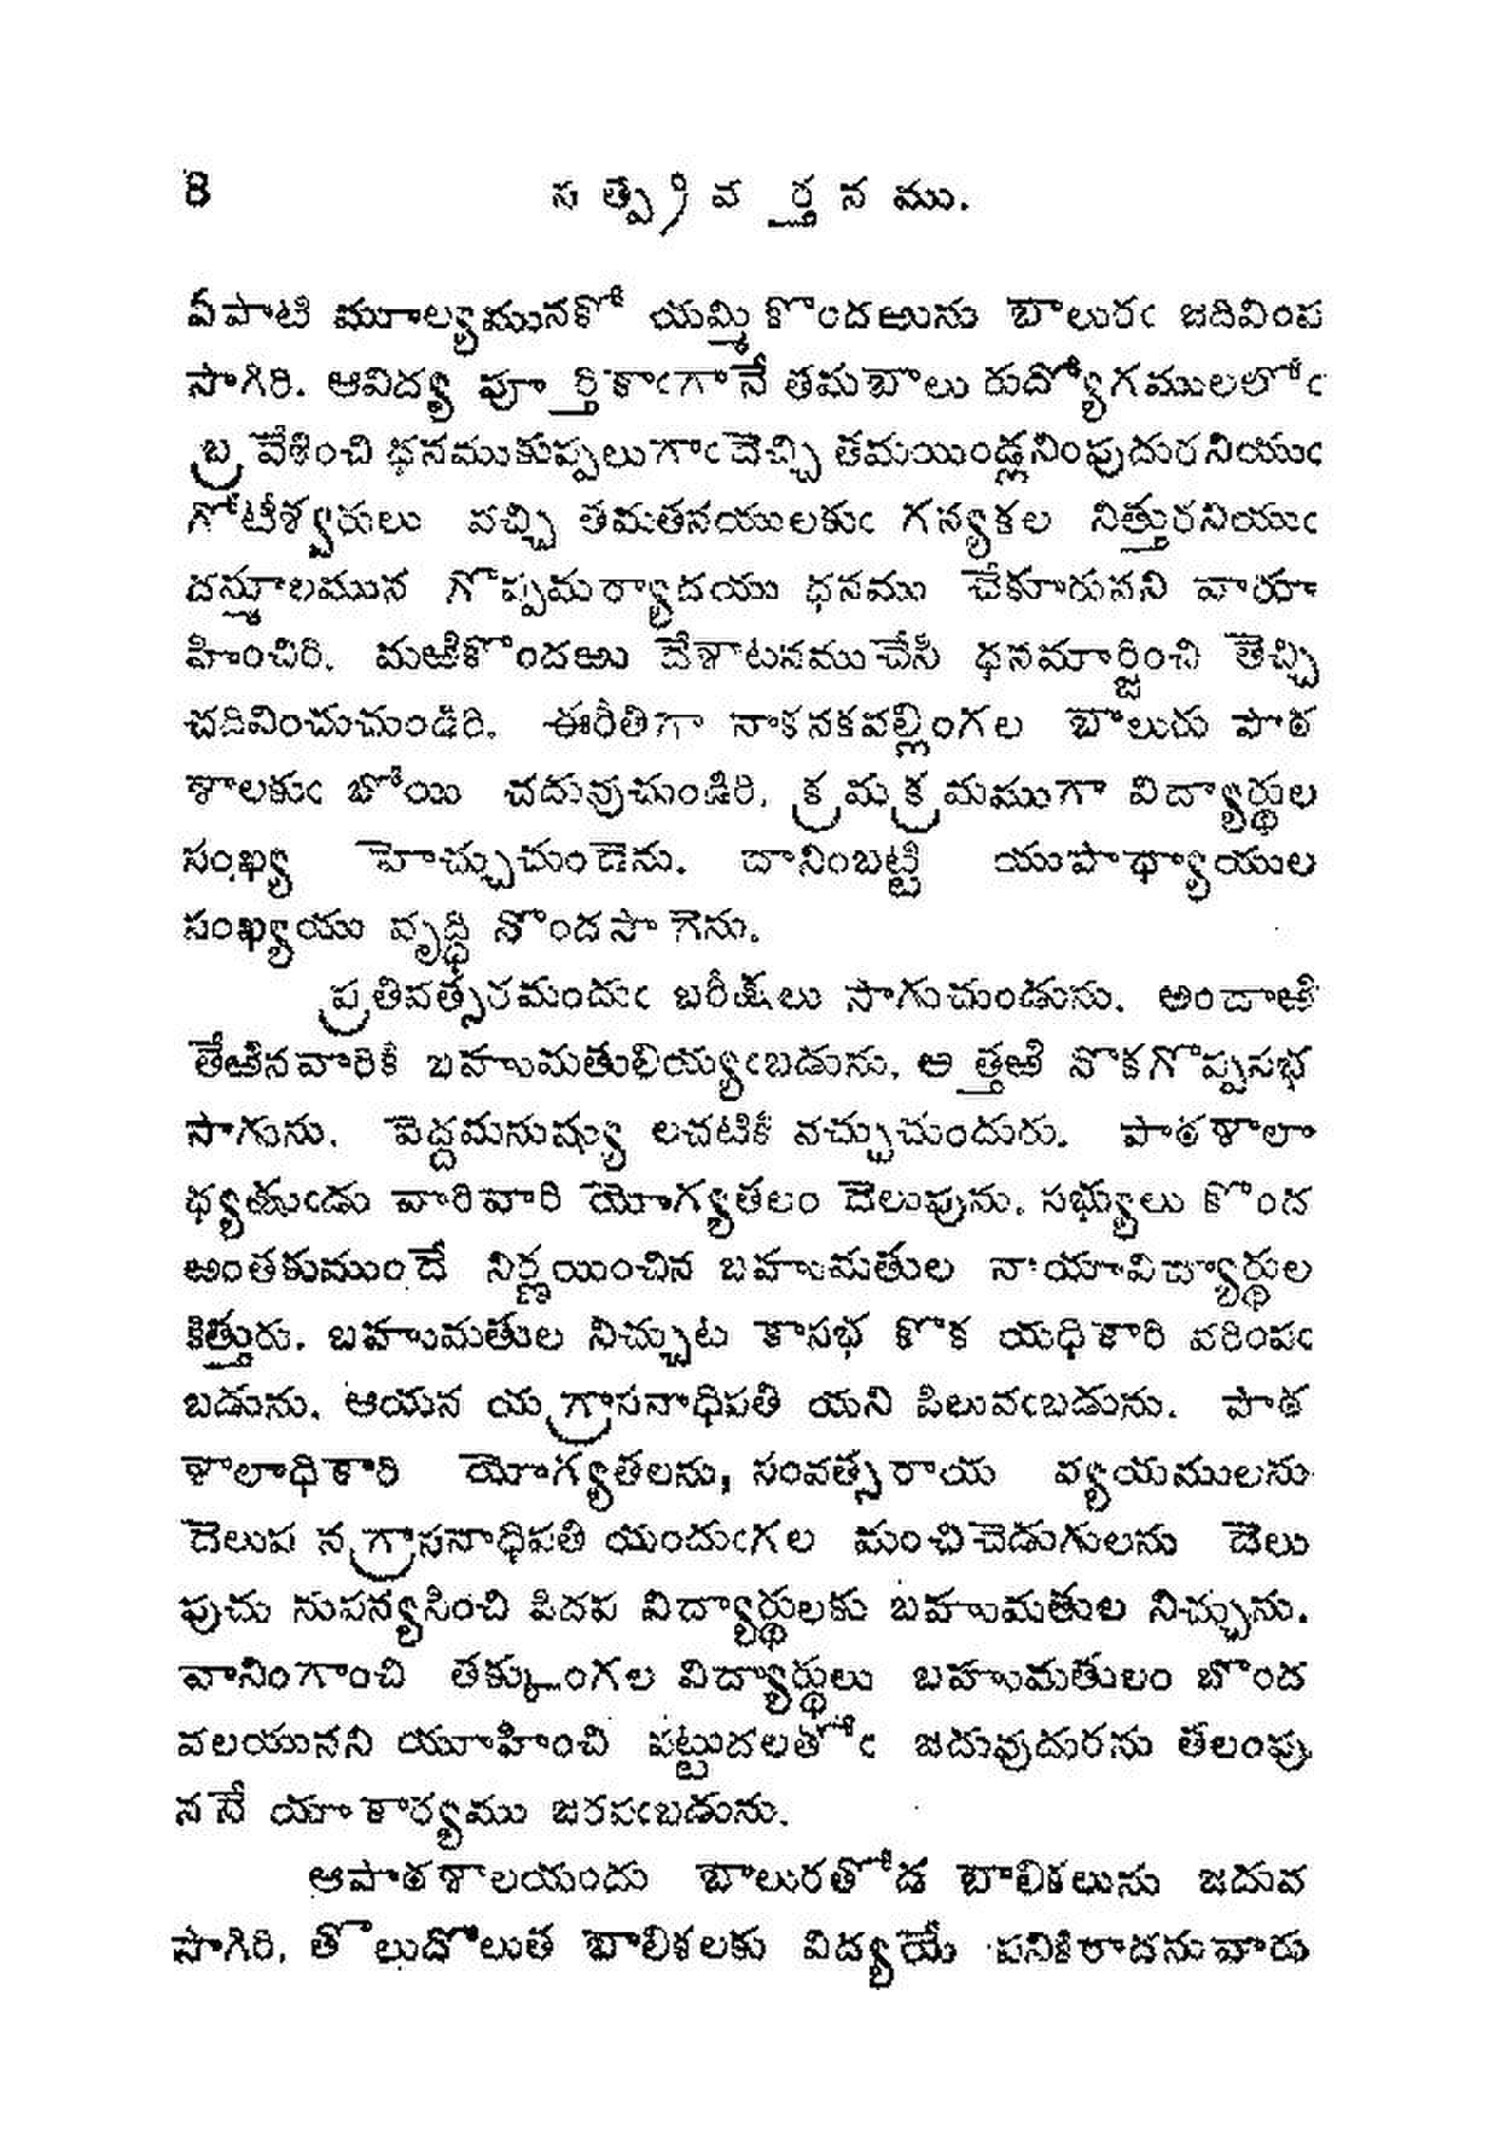ఏపాటి మూల్యమునకోయమ్మి కొందఱును బాలురఁ జదివింప సాగిరి. ఆవిద్య పూర్తి కాగానే తమబాలు రుద్యోగములలో బ్రవేశించి ధనము కుప్పలుగాఁ దెచ్చి తమయిండ్ల నింపుదురనియుఁ గోటీశ్వరులు వచ్చి తమతనయులకుఁ గన్యకల నిత్తురనియు దన్మూలమున గొప్పమర్యాదయు ధనము చేకూరునని వారూ హీంచిరి, మఱికొందఱు దేశాటనము చేసి ధనమార్షించి తెచ్చి చదివించుచుండిరి. ఈరీతిగా 'నాకనకపల్లింగల బాలుడు పొథశాలకుఁ బోయి చదువుచుండిరి. క్రమక్రమముగా విద్యార్థుల సంఖ్య హెచ్చుచుండెను. దానింబట్టి యుపాధ్యాయుల సంఖ్యయు వృద్ధి నొండసాగెను..

ప్రతివత్సరమందుఁ బరీక్షలు సాగుచుండును. అందాఱితేఱినవారికి బహుమతులియ్యబడును, ఆత్తఱినొక గొప్పసభ సాగును, పెద్దమనుష్యు లచటికీ వచ్చుచుందురు. పాఠశాలా ద్యక్షుడు వారివారి యోగ్యతలం గెలుపును. సభ్యులు కొంద అంతకుముందే నిర్ణయించిన బహుమతుల నా యావిధ్యార్థుల కిత్తురు. బహుమతుల నిచ్చుట కొసభ కోక యధికారి వరింపం బడును, ఆయన య గ్రాసనాధిపతి యని పిలువఁబడును. పాఠ ఖాలాధికారి యోగ్యతలను, సంవత్సరాయ వ్యయములను దెలుప న గ్రాసనాధిపతి యందుఁగల మంచి చెడుగులను డెలుపుచు నుపన్యసించి పిదప విద్యార్థులకు బహుమతుల నిచ్చును. వానింగాంచి తక్కుంగల విద్యార్థులు బహుమతులం బొంద వలయునని యూహించి పట్టుదలతోఁ జదువుదురను తలంపు, ననే యూ కార్యము జరపబడును,
ఆపాఠశాలయందు బాలురతోడ బాలికలును జదువ సాగిరి, తొలుదొలుత బాలికలకు విద్యయే 'పనికి రాదనువారు